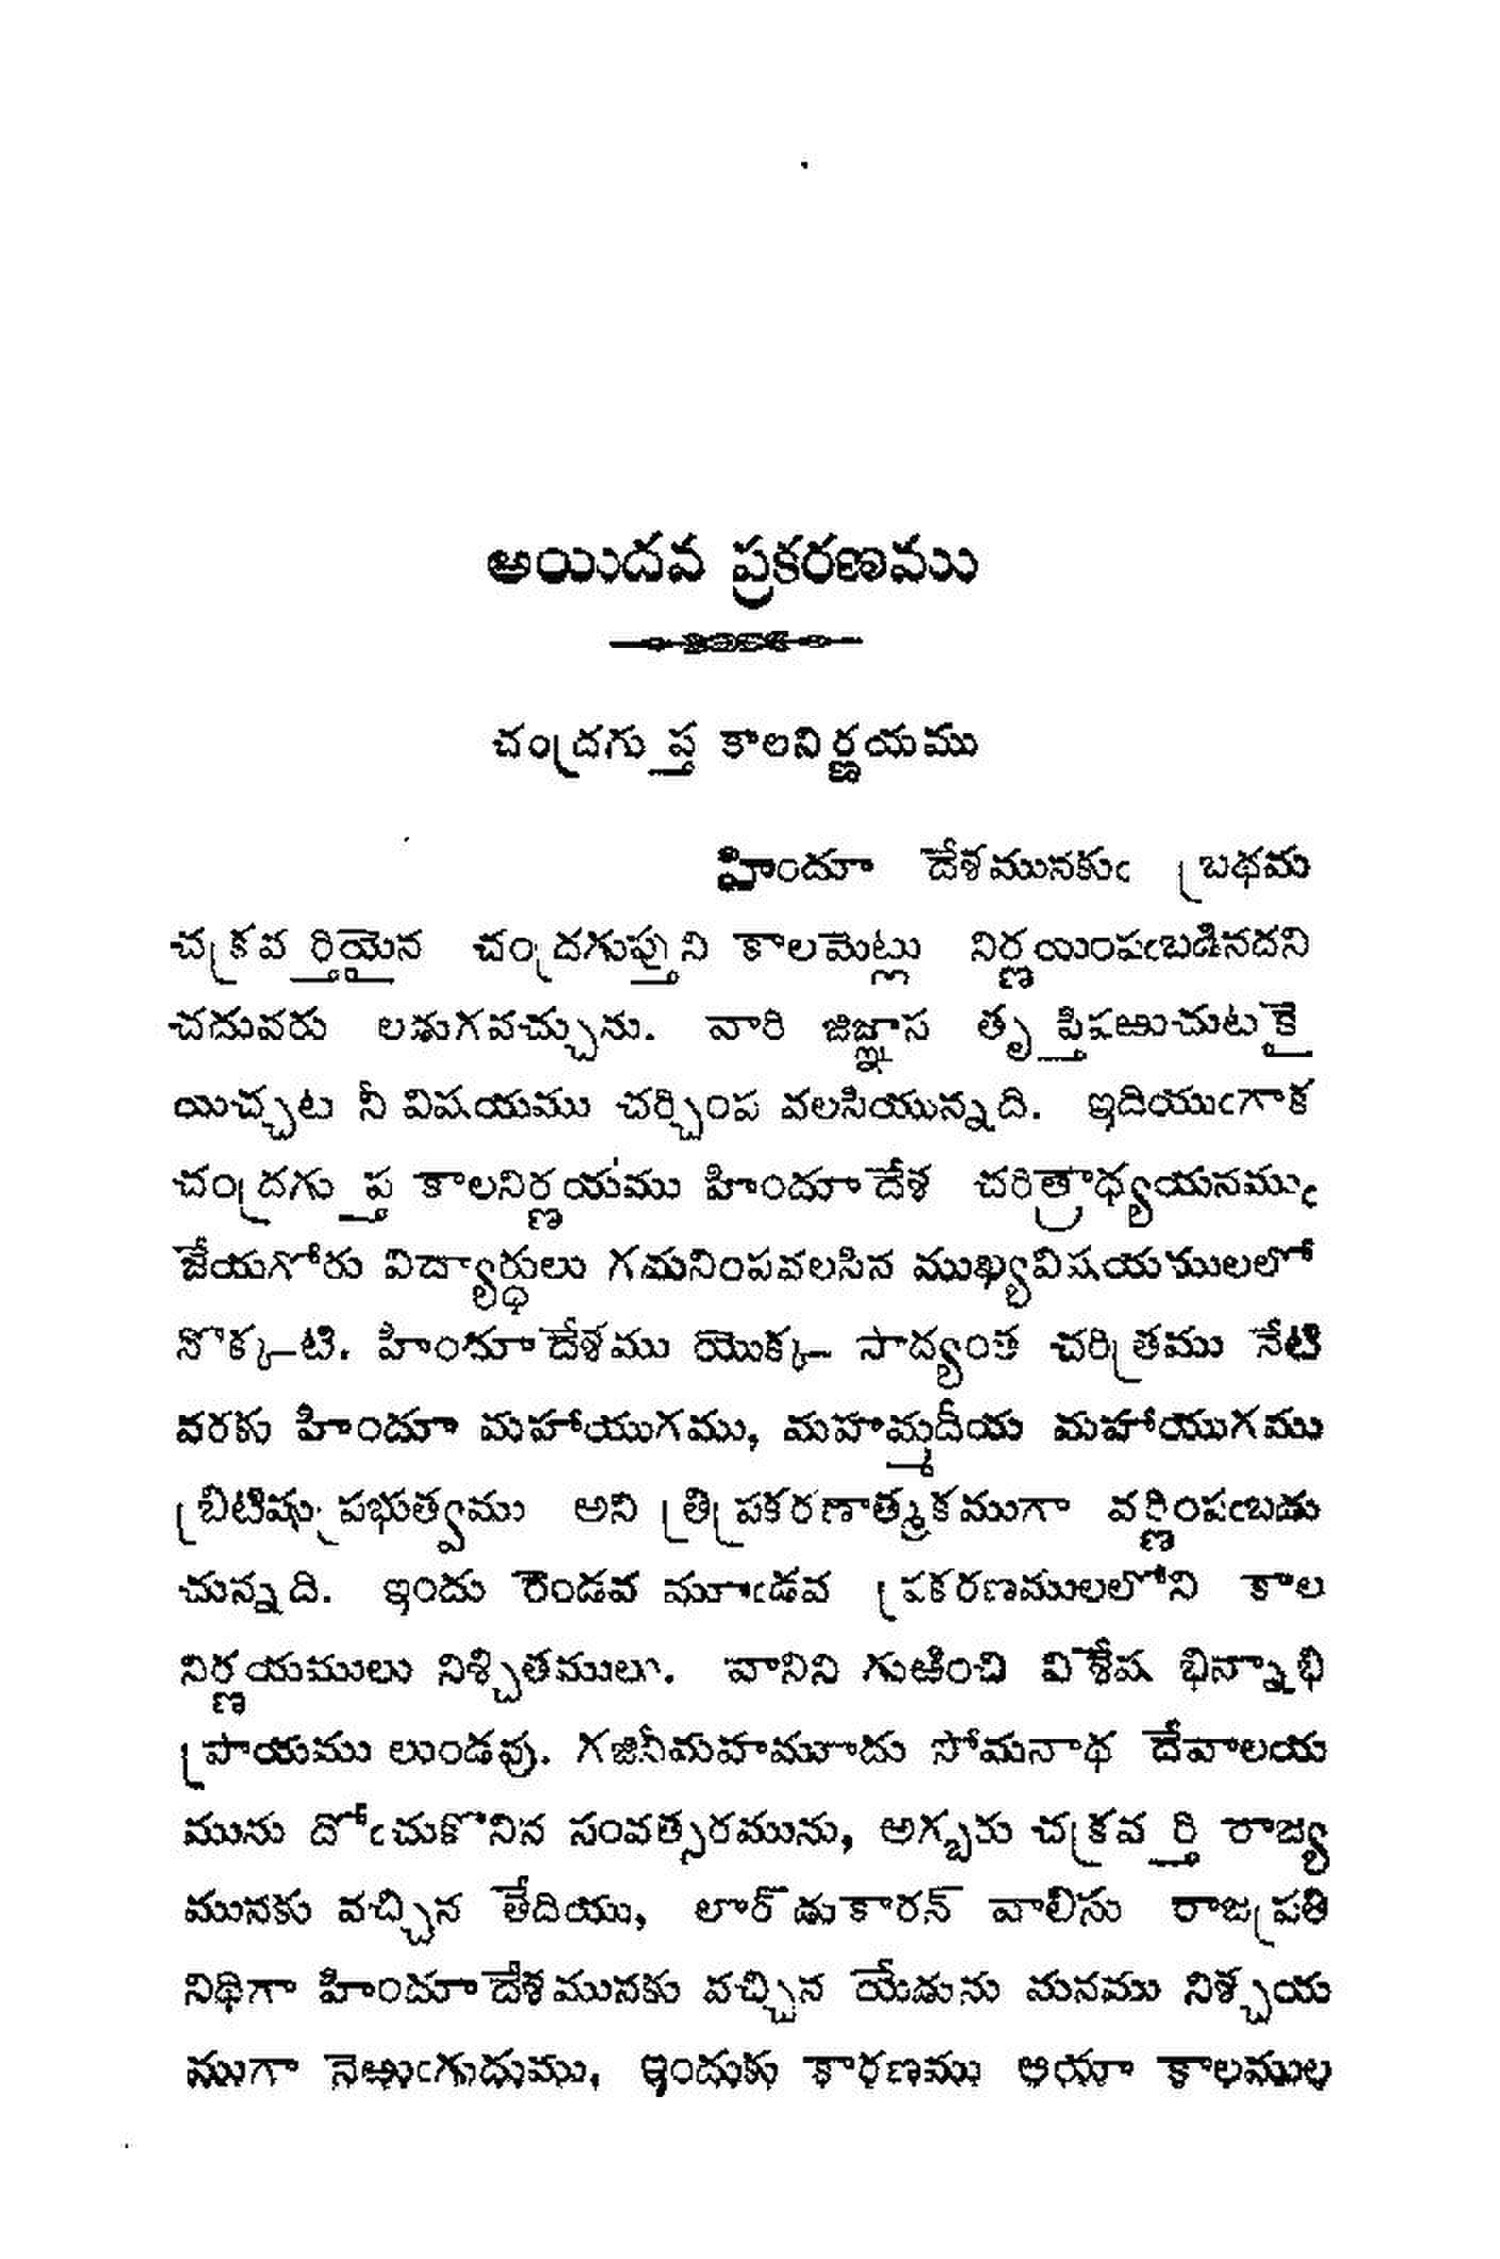అయిదవ ప్రకరణము

చంద్రగుప్త కాలనిర్ణయము

హిందూ దేశమునకుఁ బ్రథమ చక్రవర్తియైన చంద్రగుప్తుని కాలమెట్లు నిర్ణయింపఁబడినదని చదువరు లడుగవచ్చును. వారి జిజ్ఞాస తృప్తిపఱుచుటకై యిచ్చట నీ విషయము చర్చింప వలసియున్నది. ఇదియుఁగాక చంద్రగుప్త కాలనిర్ణయము హిందూదేశ చరిత్రాధ్యయనముఁ జేయగోరు విద్యార్థులు గమనింపవలసిన ముఖ్యవిషయములలో నొక్కటి. హిందూదేశము యొక్క సాద్యంత చరిత్రము నేటి వరకు హిందూ మహాయుగము, మహామ్మదీయ మహాయుగము బ్రిటిషు ప్రభుత్వము అని త్రిప్రకరణాత్మకముగా వర్ణింపఁబడు చున్నది. ఇందు రెండవ మూఁడవ ప్రకరణములలోని కాల నిర్ణయములు నిశ్చితములు. వానిని గుఱించి విశేష భిన్నాభిప్రాయము లుండవు. గజినీమహమూదు సోమనాథ దేవాలయమును దోఁచుకొనిన సంవత్సరమును, అగ్బరు చక్రవర్తి రాజ్యమునకు వచ్చిన తేదియు, లార్‌డుకారన్ వాలిసు రాజప్రతినిథిగా హిందూదేశమునకు వచ్చిన యేడును మనము నిశ్చయముగా నెఱుఁగుదుము. ఇందుకు కారణము ఆయా కాలముల